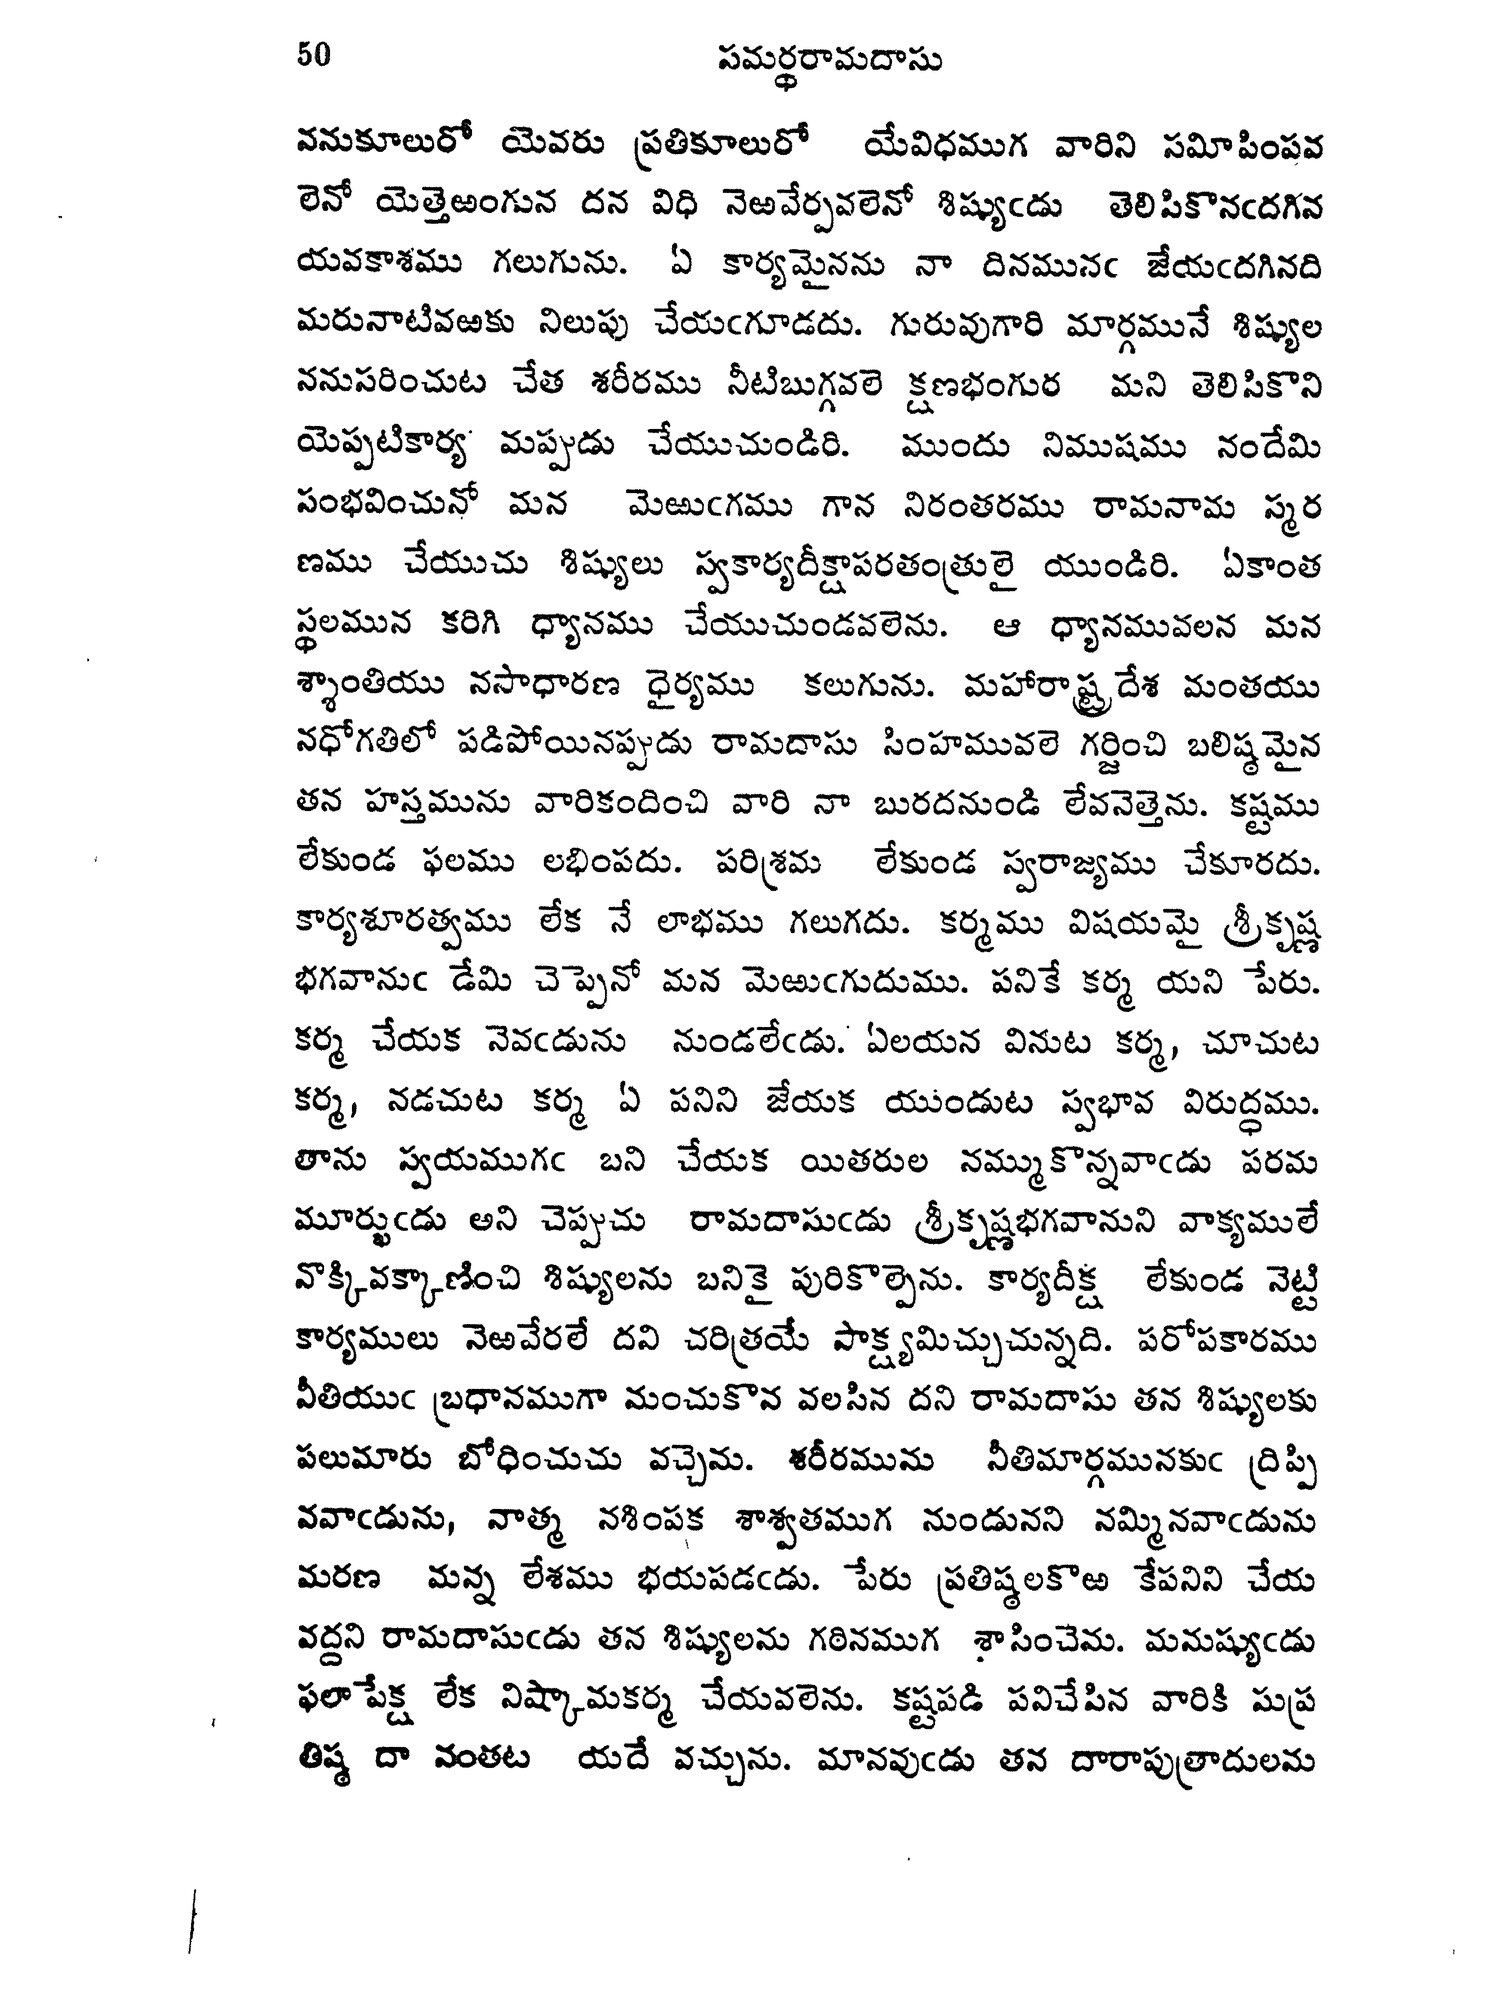ననుకూలురో యెవరు ప్రతికూలురో యేవిధముగ వారిని సమీపింపవలెనో యెత్తెఱంగున దన విధి నెఱవేర్చవలెనో శిష్యుడు తెలిసికొనదగిన యవకాశము గలుగును. ఏ కార్యమైనను నా దినమున జేయదగినది మరునాటివఱకు నిలుపు చేయగూడదు. గురువుగారి మార్గమునే శిష్యుల ననుసరించుట చేత శరీరము నీటిబుగ్గవలె క్షణభంగుర మని తెలిసికొని యెప్పటికార్య మప్పుడు చేయుచుండిరి. ముందు నిముషము నందేమి సంభవించునో మన మెఱుగము గాన నిరంతరము రామనామ స్మరణము చేయుచు శిష్యులు స్వకార్యదీక్షాపరతంత్రులై యుండిరి. ఏకాంత స్థలమున కరిగి ధ్యానము చేయుచుండవలెను. ఆ ధ్యానమువలన మనశ్శాంతియు నసాధారణ ధైర్యము కలుగును. మహారాష్ట్ర దేశ మంతయు నధోగతిలో పడిపోయినప్పుడు రామదాసు సింహమువలె గర్జించి బలిష్టమైన తన హస్తమును వారికందించి వారి నా బురదనుండి లేవనెత్తెను. కష్టము లేకుండ ఫలము లభింపదు. పరిశ్రమ లేకుండ స్వరాజ్యము చేకూరదు. కార్యశూరత్వము లేక నే లాభము గలుగదు. కర్మము విషయమై శ్రీకృష్ణ భగవాను డేమి చెప్పెనో మన మెఱుగుదుము. పనికే కర్మ యని పేరు. కర్మ చేయక నెవడును నుండలేడు. ఏలయన వినుట కర్మ, చూచుట కర్మ, నడచుట కర్మ ఏ పనిని జేయక యుండుట స్వలాభ విరుద్ధము. తాను స్వయముగ బని చేయక యితరుల నమ్ముకొన్నవాడు పరమ మూర్ఖుడు అని చెప్పెను. రామదాసుడు శ్రీకృష్ణభగవానుని వాక్యములే నొక్కివక్కాణించి శిష్యులను బనికై పురికొల్పెను. కార్యదీక్ష లేకుండ నెట్టి కార్యములు నెఱవేరలే దని చరిత్రయే సాక్ష్యమిచ్చుచున్నది. పరోపకారము నీతియు బ్రధానముగా నుంచుకొన వలసిన దని రామదాసు తన శిష్యులకు పలుమారు బోధించుచు వచ్చెను. శరీరమును నీతిమార్గమునకు ద్రిప్పినవాడును, నాత్మ నశింపక శాశ్వతముగ నుండునని నమ్మినవాడును మరణ మన్న లేశము భయపడడు. పేరు ప్రతిష్ఠలకొఱ కేపనిని చేయవద్దని రామదాసుడు తన శిష్యులను గఠినముగ శాసించెను. మనుష్యుడు ఫలాపేక్ష లేక నిష్కామకర్మ చేయవలెను. కష్టపడి పనిచేసిన వారికి సుప్రతిష్ఠ దా నంతట యదే వచ్చును. మానవుడు తన దారాపుత్రాదులను